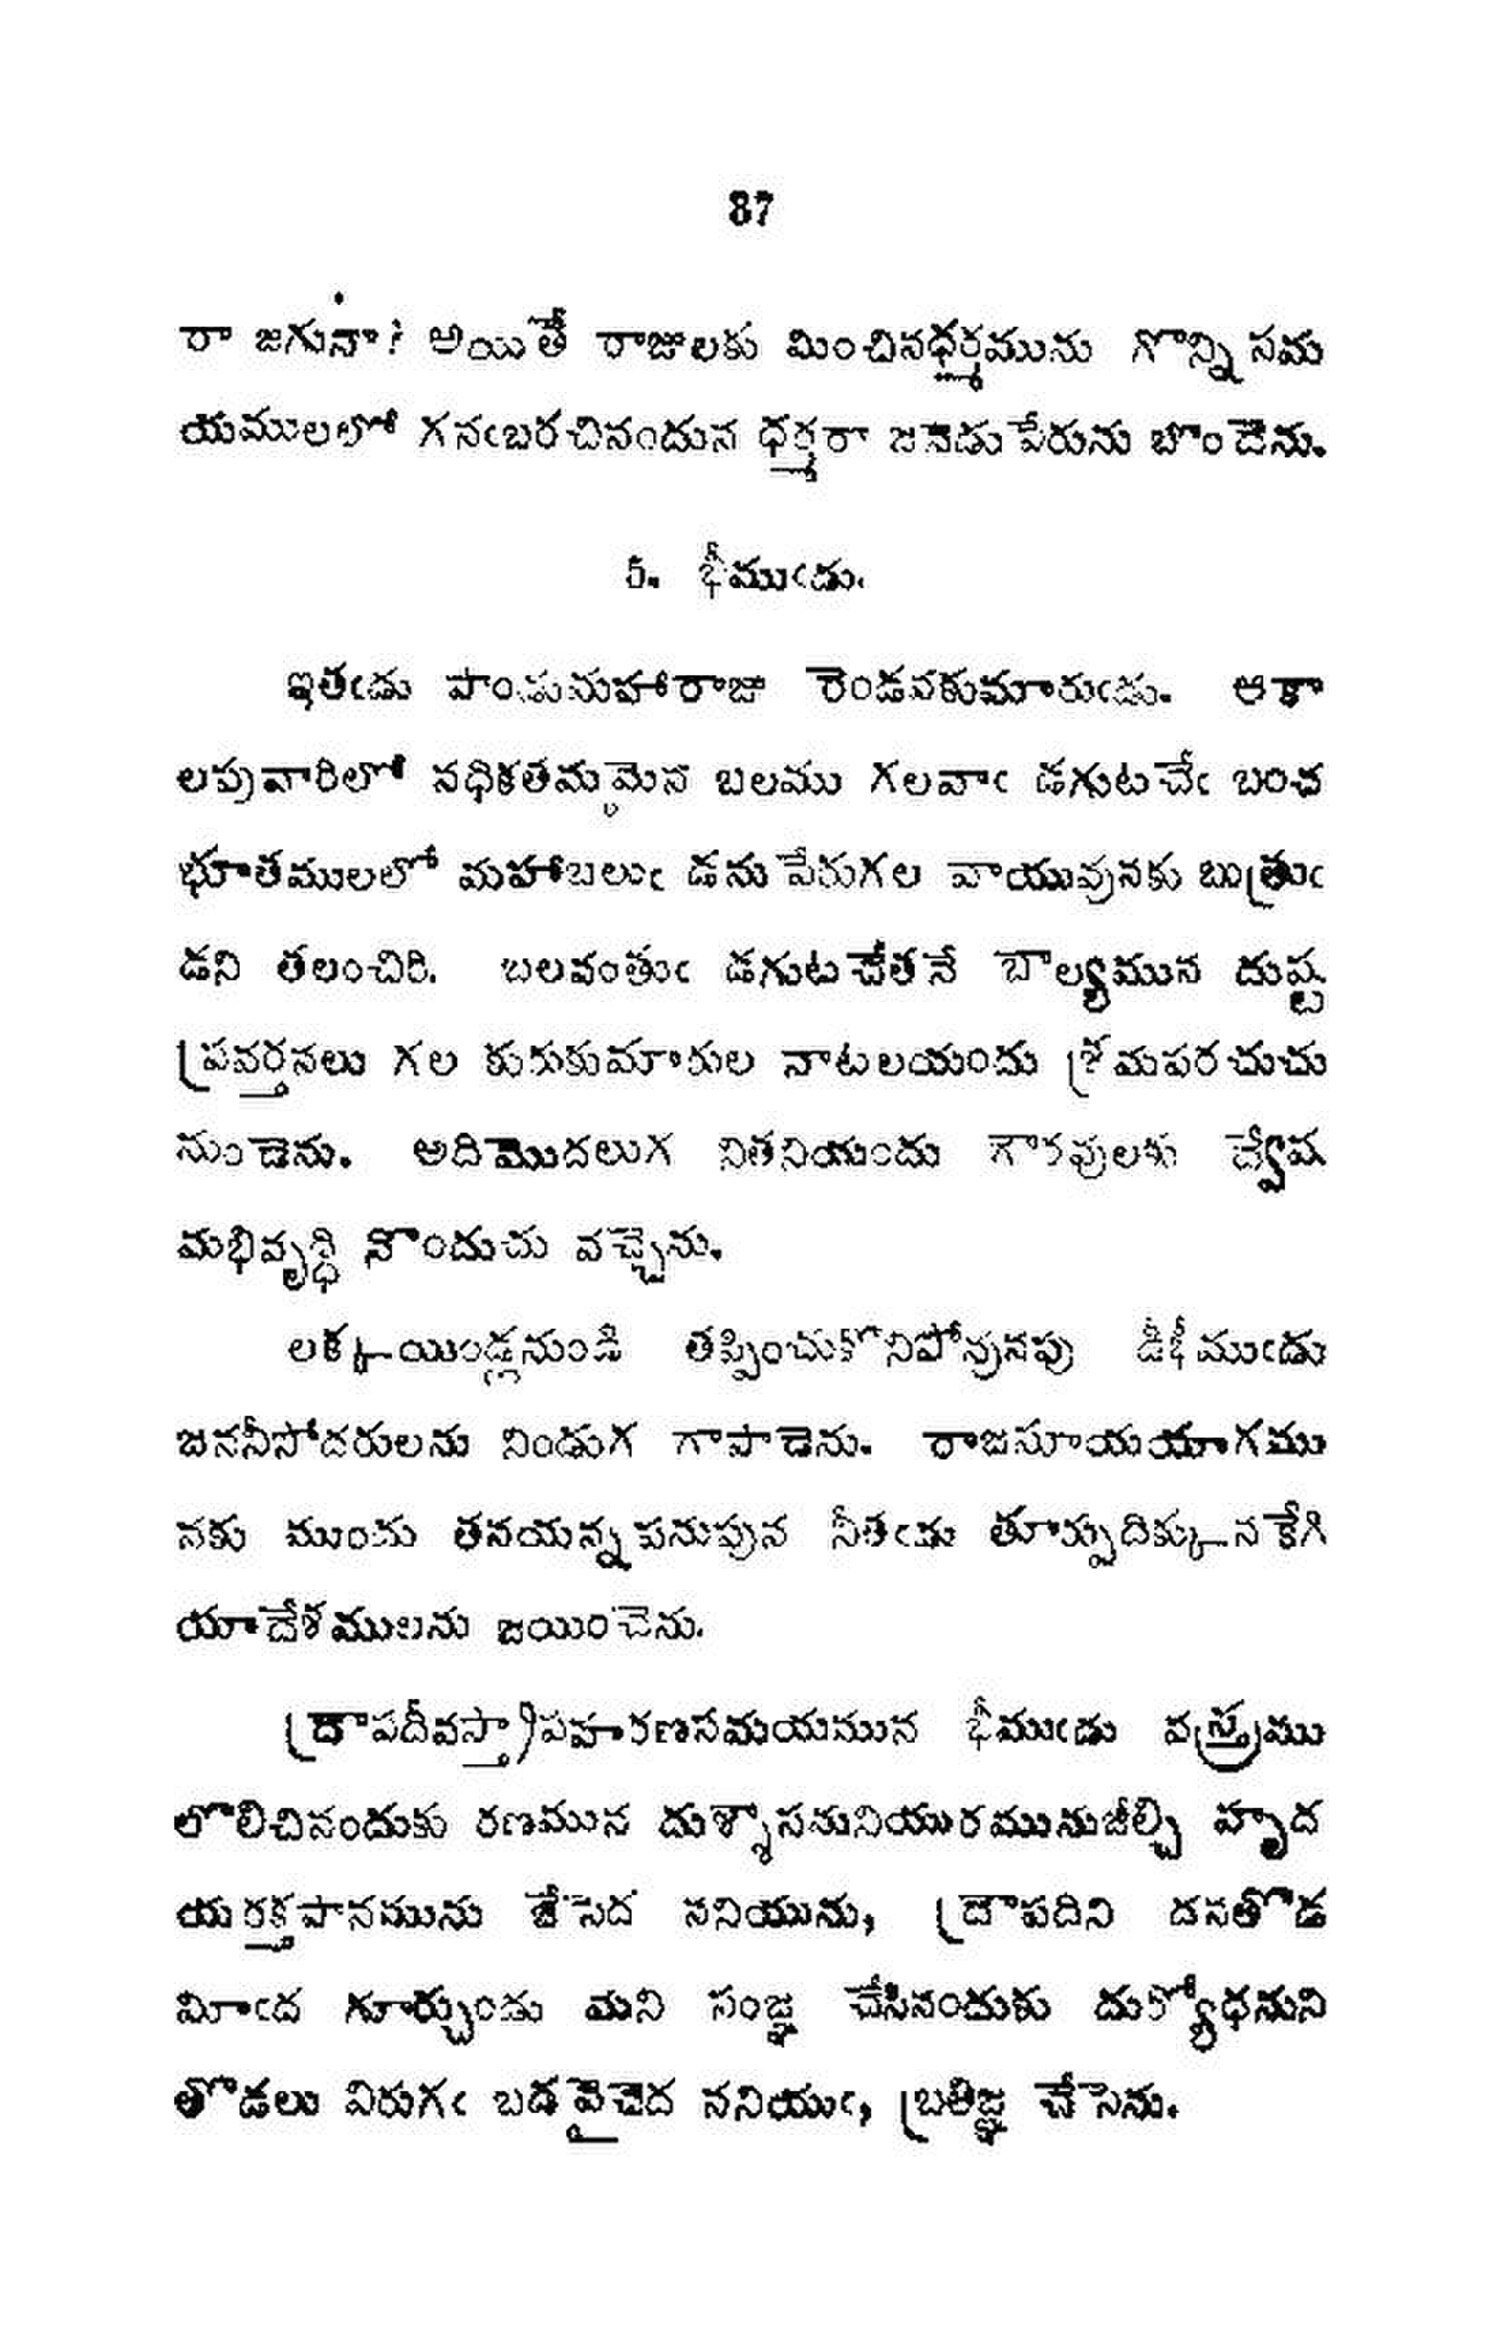రా జగునా ? అయితే రాజులకు మించినధర్మమును కొన్ని సమయములలో గనఁబరచినందున ధర్మరా జనెడు పేరును బొందెను.

ఇతఁడు పాండుమహారాజు రెండవకుమారుఁడు. ఆకాలపువారిలో నధికతమమైన బలము గలవాఁ డగుటచేఁ బంచ భూతములలో మహాబలుఁ డనుపేరుగల వాయువునకు బుత్రుఁడని తలంచిరి. బలవంతుఁ డగుటచేతనే బాల్యమున దుష్ట ప్రవర్తనలు గల కురుకుమారుల నాటలయందు శ్రమపరచుచు నుండెను. అదిమొదలుగ నితనియందు గౌరవులకు, ద్వేష మభివృధి నొందుచు వచ్చెను.

లక్కయిండ్లనుండి తప్పించుకొనిపోవునపు డీభీముఁడు జననీసోదరులను నిండుగ గాపాడెను. రాజసూయయాగమునకు ముందు తనయన్నపనుపున నీతఁడు తూర్పుదిక్కున కేగి యాదేశములను జయించెను.

ద్రౌపదీవస్త్రాపహరణసమయమున భీముఁడు వస్త్రము లొలిచినందుకు రణమున దుశ్శాసనుని యురమునుజీల్చి హృదయరక్తపానమును జేసెద ననియును, ద్రౌపదిని దనతొడ మీఁద గూర్చుండు మని సంజ్ఞ చేసినందుకు దుర్యోధనుని తొడలు విరుగఁ బడవైచెద ననియుఁ, బ్రతిజ్ఞ చేసెను.